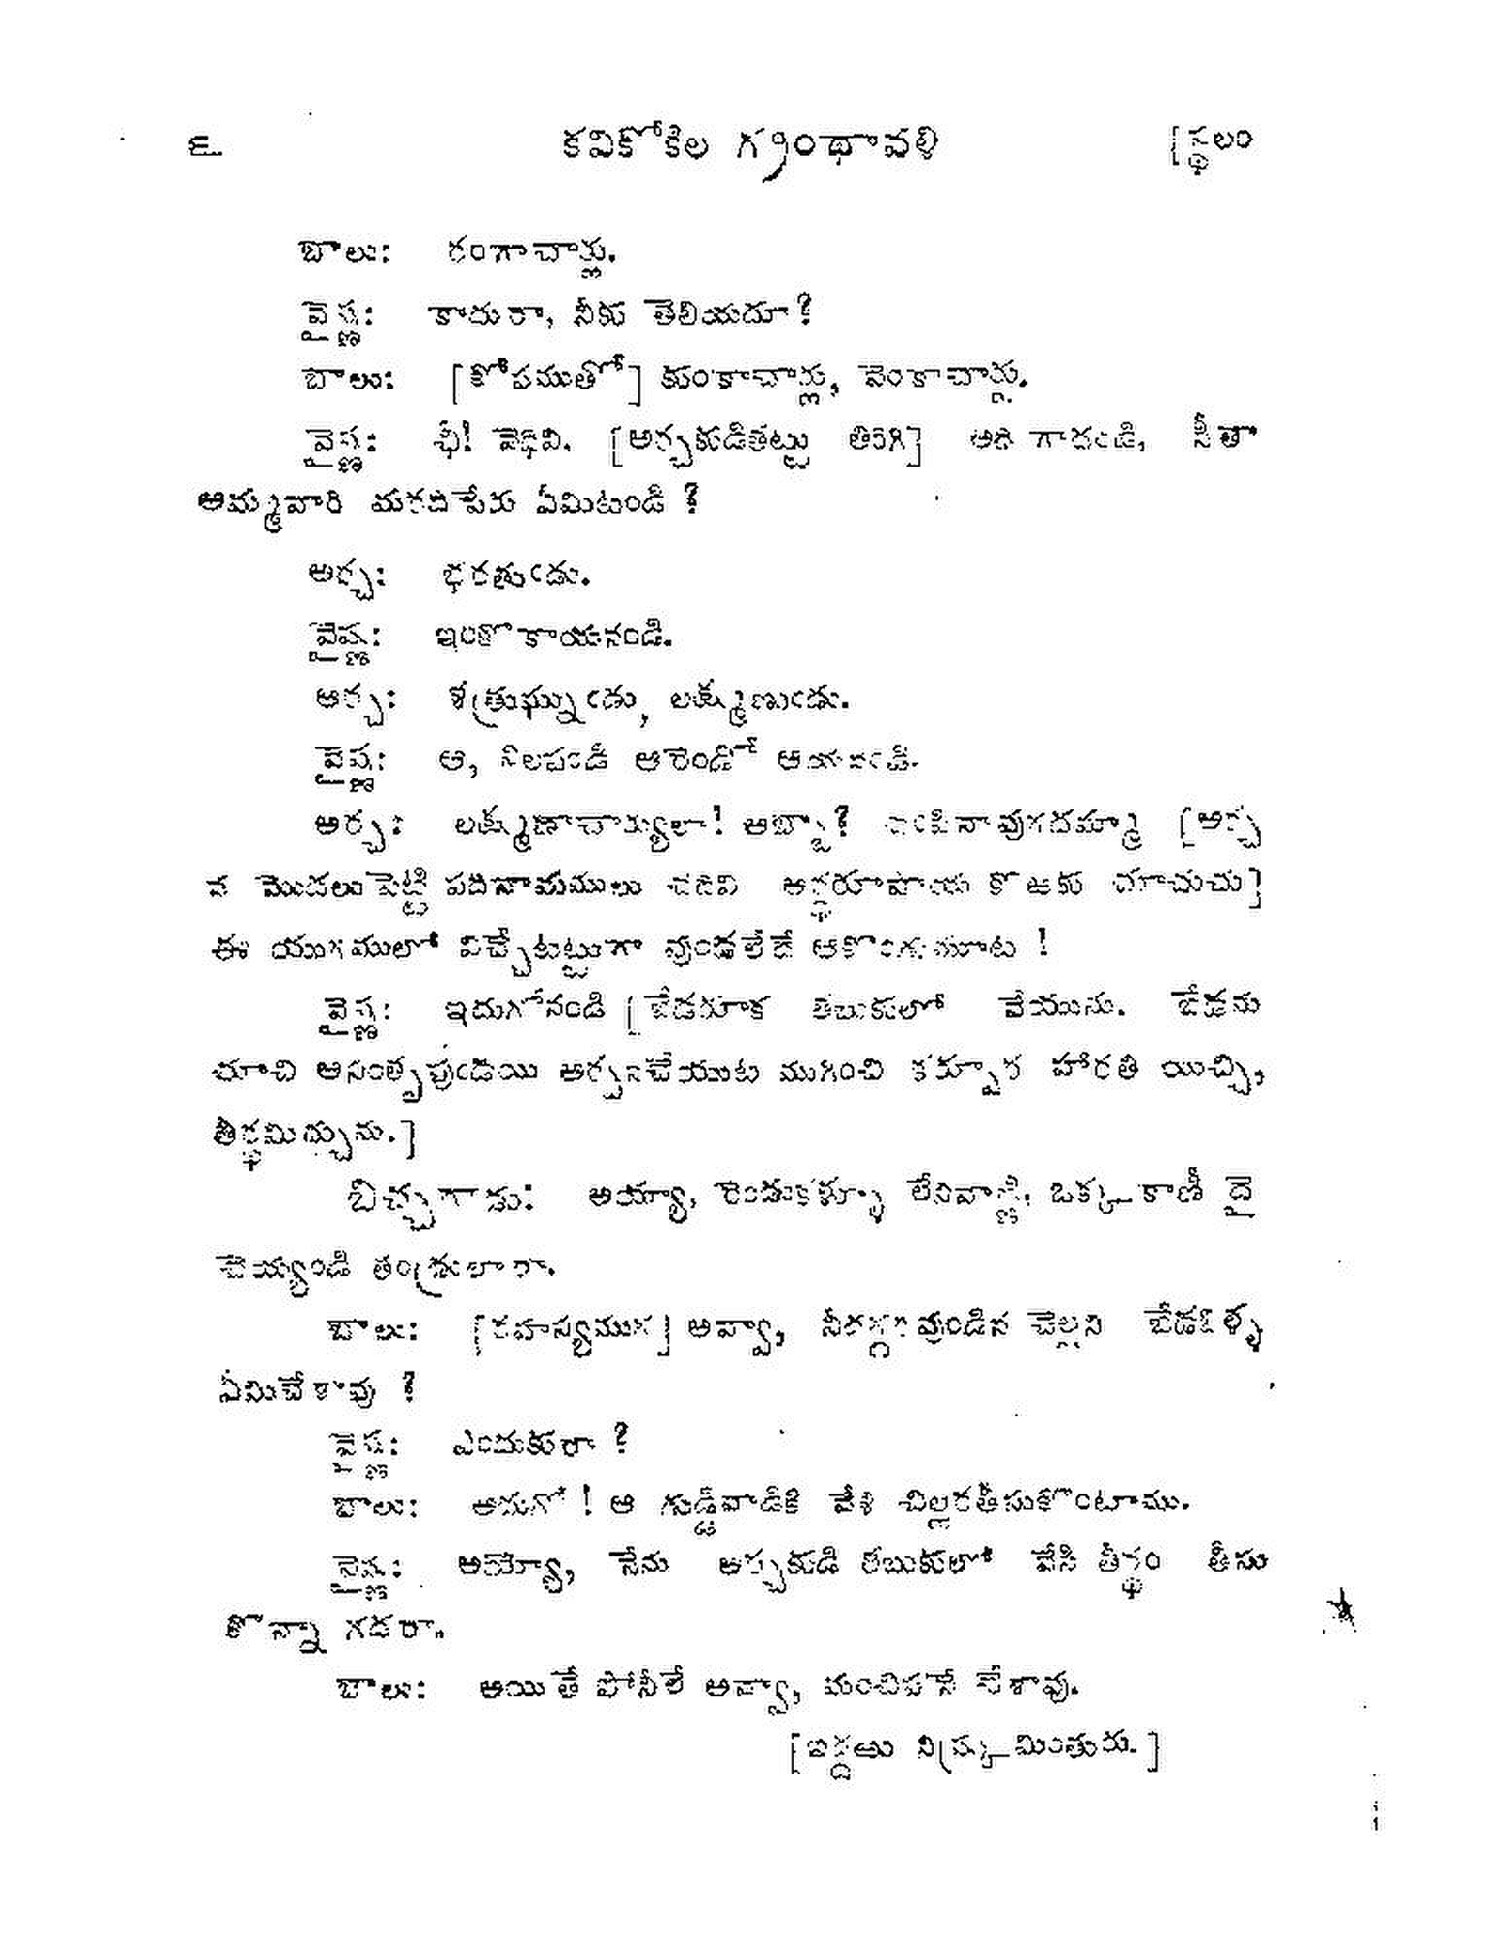బాలు : రంగాచార్లు.

వైష్ణ : కాదురా, నీకు తెలియదూ ?

బాలు : [కోపముతో] కుంకాచార్లు, వెంకాచార్లు.

వైష్ణ : ఛీ! వెధివి. [అర్చకుడితట్టు తిరిగి] అది గాదండీ. సీతా అమ్మవారి మరిదిపేరు ఏమిటండి ?

అర్చ : భరతుఁడు.

వైష్ణ : ఇంకొకాయనండి.

అర్చ : శత్రుఘ్నుఁడు, లక్ష్మణుఁడు.

వైష్ణ : ఆ, నిలపండి ఆరెండో ఆయనండి.

అర్చ : లక్ష్మణాచార్యులా ! అబ్బా ? చంపినావుగదమ్మా [అర్చన మొదలు పెట్టి పదినామములు చదివి అర్ధరూపాయ కొఱకు చూచుచు] ఈ యుగములో విచ్చేటట్టుగా వుండలేదే ఆకొంగుమూట !

వైష్ణ : ఇదుగోనండి [బేడరూక తబుకులో వేయును. బేడను చూచి అసంతృపుఁడయి అర్చనచేయుట ముగించి కర్పూర హారతి యిచ్చి, తీర్థమిచ్చును.]

బిచ్చగాడు : అయ్యా రెండుకళ్ళూ లేనివాణ్ణి, ఒక్కకాణీ దై చెయ్యండి తండ్రులారా.

బాలు : [రహస్యముగ] అవ్వా, నీదగ్గరవుండిన చెల్లని బేడబిళ్ళ ఏమిచేశావు ?

వైష్ణ : ఎందుకురా ?

బాలు : అదుగో ! ఆ గుడ్డివాడికి వేశి చిల్లరతీసుకొంటాము.

వైష్ణ : అయ్యో, నేను అర్చకుడి తబుకులో వేసి తీర్థం తీసుకొన్నా గదరా.

బాలు : అయితే పోనీలే అవ్వా, మంచిపనే చేశావు.